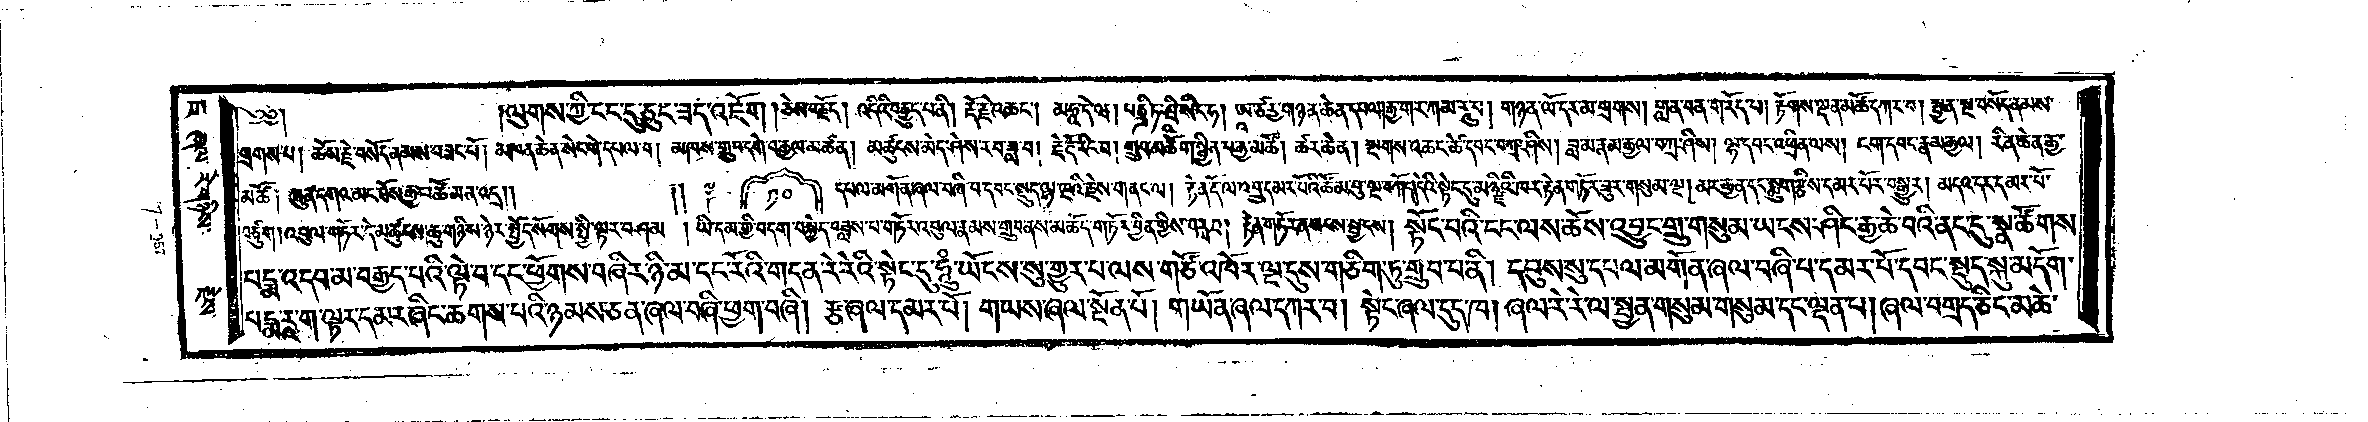༄༅། །ལུགས་ཀྱི་ངང་དུ་ཅུང་ཟད་འཇོག །ཅེས་བརྗོད། འདིའི་བརྒྱུད་པ་ནི། རྡོ་རྗེ་འཆང་། མཧཱ་དེ་ཝ། པཎྜི་ཏ་ཤྲཱི་སིང་ཧ། ཨཱ་ཙརྱ་གཉན་ཆེན་དཔལ། རྒྱ་གར་ཀམ་རཱུ་པ། གཉན་ལོ་དར་མ་གྲགས། གླན་བན་ག་རོད་པ། རྟོགས་ལྡན་མཚོ་དཀར་བ། སྤྱན་སྔ་བསོད་ནམས་
གྲགས་པ། ཆོས་རྗེ་བསོད་ནམས་བཟང་པོ། མཁན་ཆེན་སེང་གེ་དཔལ་པ། མཁས་གྲུབ་དགེ་བ་རྒྱལ་མཚན། མཚུངས་མེད་ཤེས་རབ་ཟླ་བ། རྗེ་རྡོ་རིང་པ། གྲུབ་མཆོག་སྦྱིན་པ་རྒྱ་མཚོ། ཚར་ཆེན། སྔགས་འཆང་ཚེ་དབང་བཀྲ་ཤིས། བླ་མ་རྣམ་རྒྱལ་བཀྲ་ཤིས། ལྷ་དབང་འཕྲིན་ལས། ངག་དབང་རྣམ་རྒྱལ། རིན་ཆེན་རྒྱ་
མཚོ༑ ཀུན་དགའ་མང་ཐོས་རྒྱ་མཚོ་མན་འདྲ།། །། ༈ ༼༡༠༽ དཔལ་མགོན་ཞལ་བཞི་པ་དབང་སྡུད་ལྷ་ལྔའི་རྗེས་གནང་ལ། རྟེན་རྡོ་ལ་འབྲུ་དམར་པོའི་ཚོམ་བུ་ལྔ་བཀོད། དེའི་སྟེང་དུ་མཉྫིའི་ཁར་རྟེན་གཏོར་ཟུར་གསུམ་ལྔ། མར་རྒྱན་དང་སྨུག་རྩིས་དམར་བོར་བསྒྱུར། མདའ་དར་དམར་པོ་
བཙུག ། འབུལ་གཏོར་དེ་མཚུངས། བཅུ་གཉིས་ཉེར་སྤྱོད་སོགས་སྤྱི་ལྟར་བཤམ། ཡི་དམ་གྱི་བདག་བསྐྱེད་བཟླས་བ་གཏོར་འབུལ་རྣམས་གྲུབ་ནས་མཆོད་གཏོར་བྱིན་གྱིས་བརླབ། རྟེན་གཏོར་བསངས་སྦྱང་། སྟོང་པའི་ངང་ལས་ཆོས་འབྱུང་གྲུ་གསུམ་ཡངས་ཤིང་རྒྱ་ཆེ་བའི་ནང་དུ་སྣ་ཚོགས་
པདམ་འདབ་མ་བརྒྱད་པའི་ལྟེ་བ་དང་ཕྱོགས་བཞིར་ཉི་མ་དང་རོའི་གདན་རེ་རེའི་སྟེང་དུ་ཧཱུཾ་ཡོངས་སུ་གྱུར་པ་ལས་གཙོ་འཁོར་ལྔ་དུས་གཅིག་ཏུ་གྲུབ་པ་ནི། དབུས་སུ་དཔལ་མགོན་ཞལ་བཞི་པ་དམར་པོ་དབང་སྡུད་སྐུ་མདོག་
པདམ་རཱ་ག་ལྟར་དམར་ཞིང་ཆགས་པའི་ཉམས་ཅན་ཞལ་བཞི་ཕྱག་བཞི། རྩ་ཞལ་དམར་པོ། གཡས་ཞལ་སྔོན་པོ། གཡོན་ཞལ་དཀར་པ། སྟེང་ཞལ་དུད་ཁ། ཞལ་རེ་རེ་ལ་སྤྱན་གསུམ་གསུམ་དང་ལྡན་པ། ཞལ་བགྲད་ཅིང་མཆེ་